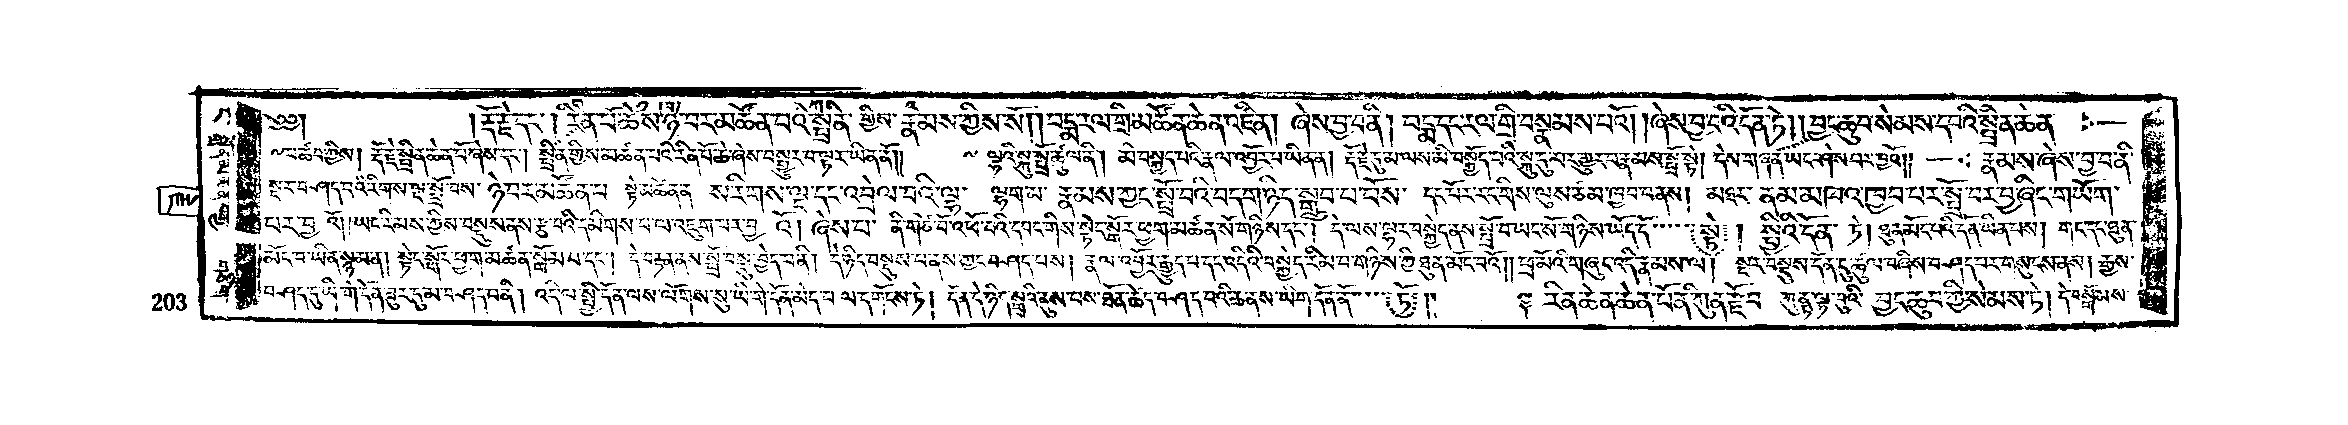༄༅། །རྡོ་རྗེ་དང་། ཁ྄་རིན་པོ་ཆེས ༡་ཁ་ཉེ་བར་མཚོན་བའི་སྤྲིན་གྱིས་༢་རྣམས་ཀྱིས་སོ། །པདམ་རལ་གྲི་མཚོན་ཆེན་འཛིན། ཞེས་བྱ་བ་ནི། པདམ་དང་རལ་གྲི་བསྣམས་པའོ། །ཞེས་བྱ་བའི་དོན་ཏེ། །བྱང་ཆུབ་སེམས་དཔའི་སྤྲིན་ཆེན་
༧པ་ཚབ་ཀྱིས། རྡོ་རྗེ་སྤྲིན་ཆེན་པོ་ཞེས་དང་། སྤྲིན་གྱིས་མཚན་པའི་རིན་པོ་ཆེ་ཞེས་བསྒྱུར་བ་ལྟར་ཡིན་ནོ།། ༧ལྷའི་སྐུ་སྤྲོ་ཚུལ་ནི། མི་བསྐྱེད་པའི་རྣལ་འབྱོར་པ་ཡིན་ན། རྡོ་རྗེ་དུ་མ་ལས་མི་བསྐྱོད་པའི་སྐུ་དུ་མར་གྱུར་པ་རྣམས་སྤྲོ་སྟེ། དེས་གཞན་ཡང་ཤེས་པར་བྱའོ།།  རྣམས་ཞེས་བྱ་བ་ནི་
སྔར་བཤད་པའི་རིགས་ལྔ་སྤྲོ་བས་ཉེ་བར་མཚོན་པ་སྟེ་མཚོན་ན་ས་རིགས་ལྔ་དང་འབྲེལ་བའི་ལྷ་ལྷག་མ་རྣམས་ཀྱང་སྤྲོ་བའི་བདག་ཉིད་སྒྲུབ་པ་པོས་དང་པོར་རང་གིས་ལུས་ཙམ་ཁྱབ་པ་ནས། མཐར་ནམ་མཁའ་ཁྱབ་པར་སྤྲོ་བར་བྱ་ཞིང་གཡོག་
པར་བྱའོ།། ཡང་རིམས་ཀྱིས་བསྡུས་ནས་རྩ་བའི་དམིགས་པ་ལ་འཇུག་པར་བྱའོ།  ཞེས་པ་ནི་གཙོ་བོ་འཕོ་བའི་དབང་གིས་སྟེང་སྒོར་ཕྱག་མཚན་སོ་གཉིས་དང་། དེ་ལས་ལྷར་བསྐྱེད་ནས་སྤྲོ་བ་ཡང་སོ་གཉིས་ཡོད་དོ་སྟེ། སྤྱིའི་དོན་ཏེ། ཐུན་མོང་པའི་དོན་ཡིན་པས། གང་དང་ཐུན་
མོང་བ་ཡིན་སྙམ་ན། སྟེང་སྒོར་ཕྱག་མཚན་སྒོམ་པ་དང་། དེ་བརྟན་ནས་སྤྲོ་བསྡུ་བྱེད་པ་ནི། དེ་ཉིད་བསྡུས་པ་ནས་ཀྱང་བཤད་པས། རྣལ་འབྱོར་རྒྱུད་པ་དང་འདིའི་བསྐྱེད་རིམ་པ་གཉིས་ཀྱི་ཐུན་མོང་པའོ། །ཕྲ་མོའི་གཞུང་འདི་རྣམས་ལ། སྔར་བསྡུས་དོན་དུ་ཚུལ་བཞིས་བཤད་པར་གསུངས་ནས། རྒྱས་
བཤད་དུ་ཡི་གེ་དོན་ཟུར་དུ་མ་བཤད་པ་ནི། འདི་ལ་སྤྱི་དོན་ལས་ལོགས་སུ་ཡི་གེ་དོན་མེད་པ་ལ་དགོངས་ཏེ། དོན་དེ་ཉིད་སྒྲའི་ནུས་པས་ཐོན་ཚེད་བཤད་པའི་ཆ་ནས་ཡིག་དོན་ནོ་ཏོ།། ༈ རིན་ཆེན་ཆེན་པོ་ནི་ཀུན་རྫོབ་ཀུན་ཏ་ལྟ་བུའི་བྱང་ཆུབ་ཀྱི་སེམས་ཏེ། དེ་བསྒོམས་